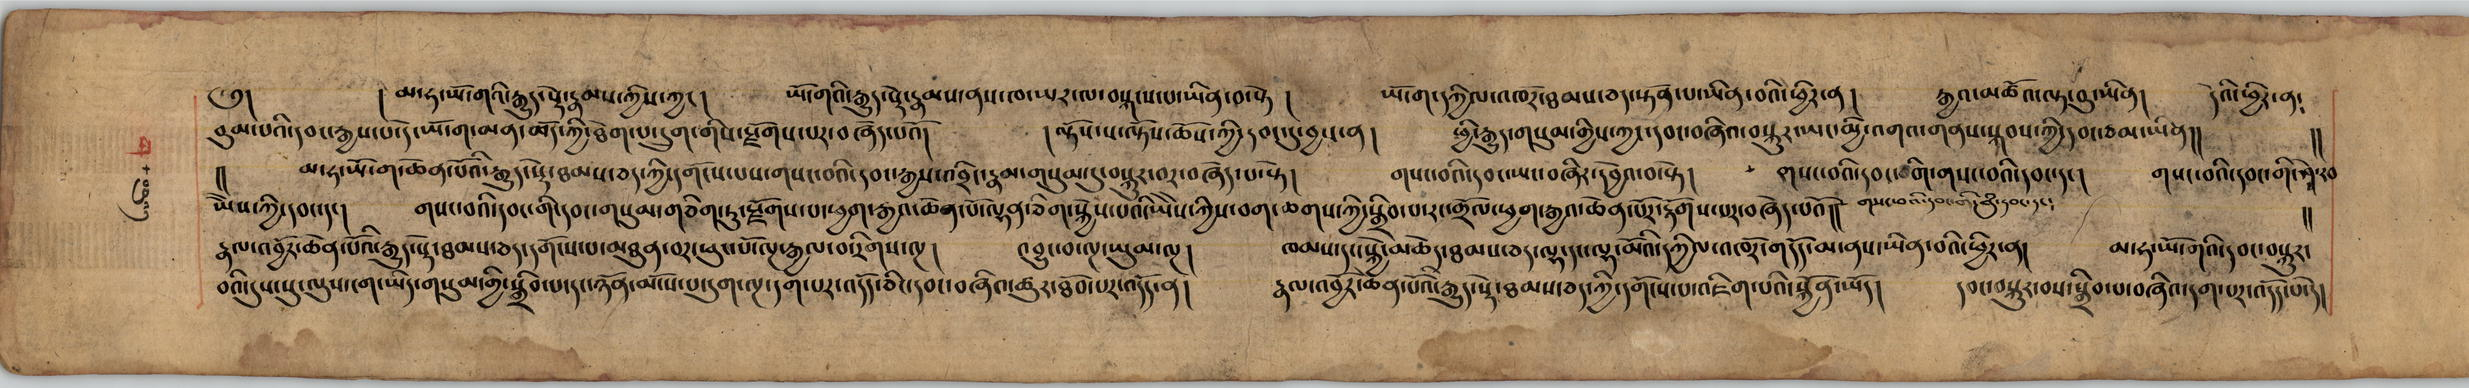༅། ། མ་ཧ་ཡོ་གའི་རྒྱུད་སྡེ་རྣམས་ཀྱིས་ཀྱང། ཡོ་གའི་རྒྱུད་སྡེ་རྣམས་ནས་ཁ་ཡར་ལ་བསྐངས་པ་ཡིན་བ་སྟེ ། ཡོ་ག་དཀྱིལ་འཁཽར་ཐམས་ཅད་སྟོན་པ་ཡིན་བའི་ཕྱིར་ན། རྒྱའ་མཚོའ་ལྟ་བུ་ཡིན། དེའི་ཕྱིར་ན༴
བུམ་པའི་དབང་རྒྱས་པ་དེ་ཡོ་ག་མན་ཆོད་ཀྱི་ཐེག་པ་དྲུག་གིས་སྫོགས་པར་བཞེད་པའོ། །ལྟོས་ས་ལྟོས་ཆོས་ཀྱི་དབང་དུ་བྱས་ན། ཕྱི་རྒྱུད་གསུམ་གྱིས་ཀྱང་དབང་བཞིའ་བསྐུར་ཡང་མྱི་འགའ་གནས་སྐབས་ཀྱི་དབང་ཙམ་ཡིན།།
མ་ཧ་ཡོ་ག་ཆེན་པོའི་རྒྱུད་སྡེ་ཐམས་ཅད་ཀྱི་དགོངས་པས་གསང་བའི་དབང་རྒྱས་འབྲིང་རྣམ་གསུམ་དུ་བསྐུར་བར་བཞེད་པ་སྟེ། གསང་བའི་དབང་ཡང་བཞིར་དབྱེའ་བ་སྟེ། གསང་བའི་དབང་གི་གསང་བའི་དབང་དང། གསང་བའི་དབང་གི་ཤེ་རབ
ཡཻས་ཀྱི་དབང་དང། གསང་བའི་དབང་གི་དབང་གསུམ་གཅིག་ཏུ་སྫོགས་པ་ཕྱག་རྒྱའ་ཆེན་པོ་ལྷན་ཅིག་སྐྱེས་པའི་ཡཻས་ཀྱིས་བག་ཆགས་ཀྱི་སྒྲིབ་པ་རང་གྲོལ་ཕྱག་རྒྱའ་ཆེན་པོར་རྟོགས་པར་བཞེད་པའོ།། གསང་བའི་དབང་གི་བུཾ་དབང་དང༴
རྣཌྷ་འབྱོར་ཆེན་པོའི་རྒྱུད་སྡེ་ཐམས་ཅད་དགོངས་པ་མཐུན་བར་ཕུང་པོ་ལྔ་རྒྱལ་བ་རིགས་ལྔ། འབྱུང་བ་ལྔ་ཡུམ་ལྔ། ཁམས་དང་སྐྱེ་མཆེད་ཐམས་ཅད་ལྷ་དང་ལྷ་མོའི་དཀྱིལ་འཁོར་གདོད་མ་ནས་ཡིན་བའི་ཕྱིར་ན། མ་ཧ་ཡོ་གའི་དབང་བསྐུར་
བའི་དུས་སུ་ལུས་ངག་ཡིད་གསུམ་གྱི་སྒྲིབ་པ་དང་ཉོན་མོངས་པ་དུག་ལྔ་དག་པར་འདོད་ཅིང་དབང་བཞིའ་ཚུར་ཐོབ་པར་འདོད་ན། རྣལ་འབྱོར་ཆེན་པོའི་རྒྱུད་སྡེ་ཐམས་ཅད་ཀྱི་དགོངས་པ་འཇིག་པའི་སྐྱོན་ཡོད། དབང་བསྐུར་བས་སྒྲིབ་པ་བཞིའ་དག་པར་འདོད་པ་དེ།